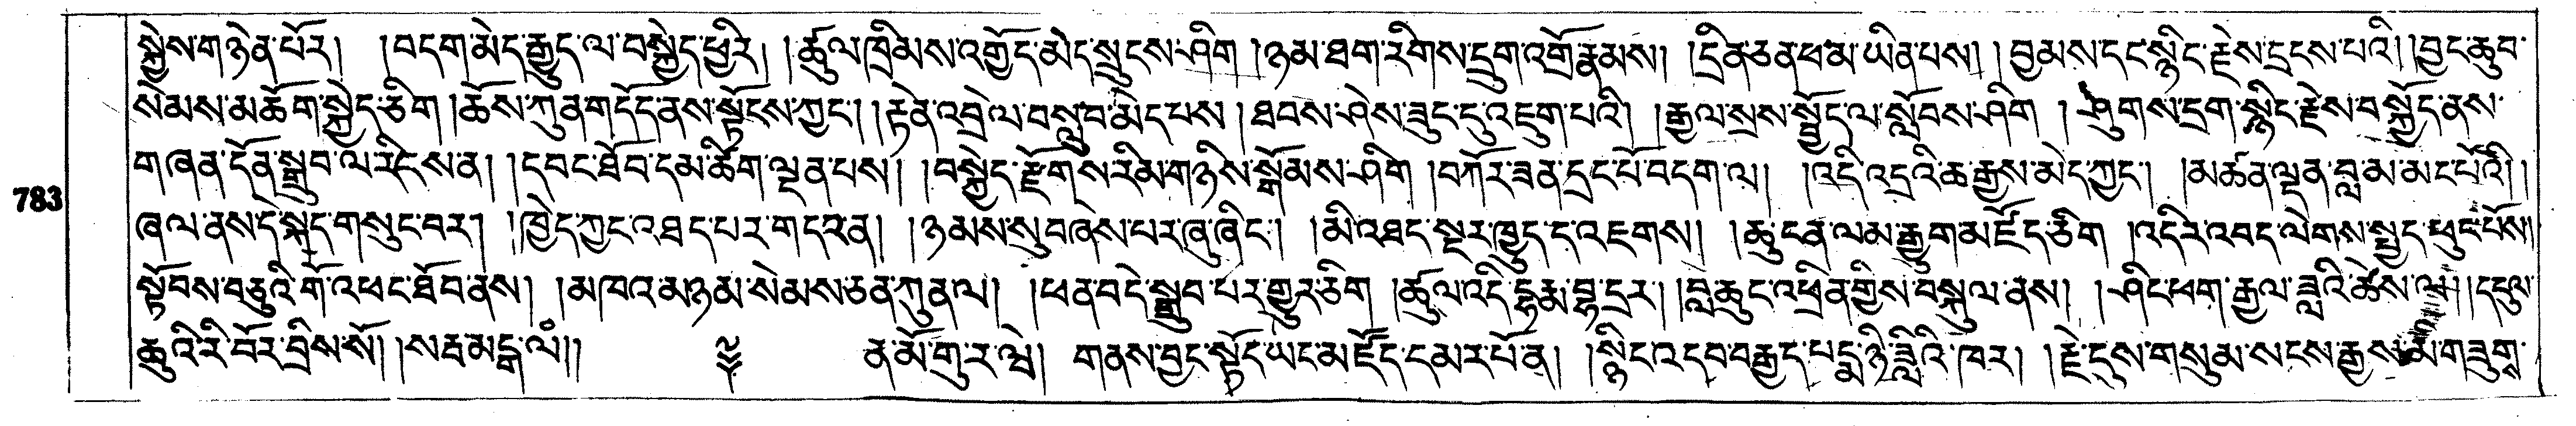སྐྱེས་གཉེན་པོར། །བདག་མེད་རྒྱུད་ལ་བསྐྱེད་ཕྱིར། །ཚུལ་ཁྲིམས་འགྱོད་མེད་སྲུངས་ཤིག །ཉམ་ཐག་རིགས་དྲུག་འགྲོ་རྣམས། །དྲིན་ཅན་ཕ་མ་ཡིན་པས། །བྱམས་དང་སྙིང་རྗེས་དྲངས་པའི། །བྱང་ཆུབ་
སེམས་མཆོག་སྐྱེད་ཅིག །ཆོས་ཀུན་གདོད་ནས་སྟོངས་ཀྱང་། །རྟེན་འབྲེལ་བསླུ་བ་མེད་པས། ཐབས་ཤེས་ཟུང་དུ་འཇུག་པའི། །རྒྱལ་སྲས་སྤྱོད་ལ་སློབས་ཤིག །ཤུགས་དྲག་སྙིང་རྗེས་བསྐྱོད་ནས་
གཞན་དོན་སྒྲུབ་ལ་རིངས་ན། །དབང་ཐོབ་དམ་ཚིག་ལྡན་པས། །བསྐྱེད་རྫོགས་རིམ་གཉིས་སྒོམས་ཤིག །བཀོར་ཟན་དྲང་པོ་བདག་ལ། །འདི་འདྲའི་ཆ་རྒྱས་མེད་ཀྱང་། །མཚན་ལྡན་བླ་མ་མང་པོའི།།
ཞལ་ནས་དེ་སྐད་གསུང་བར། །ཁྱེད་ཀྱང་འཐད་པར་གདའ་ན། །ཉམས་སུ་བཞེས་པར་ཞུ་ཞིང་། །མི་འཐད་སྔར་ཁྱུད་ད་འཇགས། །ཆུ་ངན་ལམ་རྒྱུག་མཛོད་ཅིག །འདིར་འབད་ལེགས་སྤྱད་ཕུང་པོས།
སྟོབས་བཅུའི་གོ་འཕང་ཐོབ་ནས། །མཁའ་མཉམ་སེམས་ཅན་ཀུན་ལ། །ཕན་བདེ་སྒྲུབ་པར་གྱུར་ཅིག །ཚུལ་འདི་དྷརྨ་བྷ་དྲར། །བླ་ཆུང་འཕྲིན་གྱིས་བསྐུལ་ནས། །ཤིང་ཕག་རྒྱལ་ཟླའི་ཚེས་ལ། །དངུལ་
ཆུའི་རི་བོར་བྲིས་སོ། །སརྦ་མངྒ་ལཾ།། ༈ ན་མོ་གུ་ར་ཝེ། གནས་བྱང་སྟོང་ཡང་མཛོད་དམར་པོ་ན། །སྙིང་འདབ་བརྒྱད་པདམ་ཉི་ཟླིའི་ཁར། །རྗེ་དུས་གསུམ་སངས་རྒྱས་མི་གཟུགས་